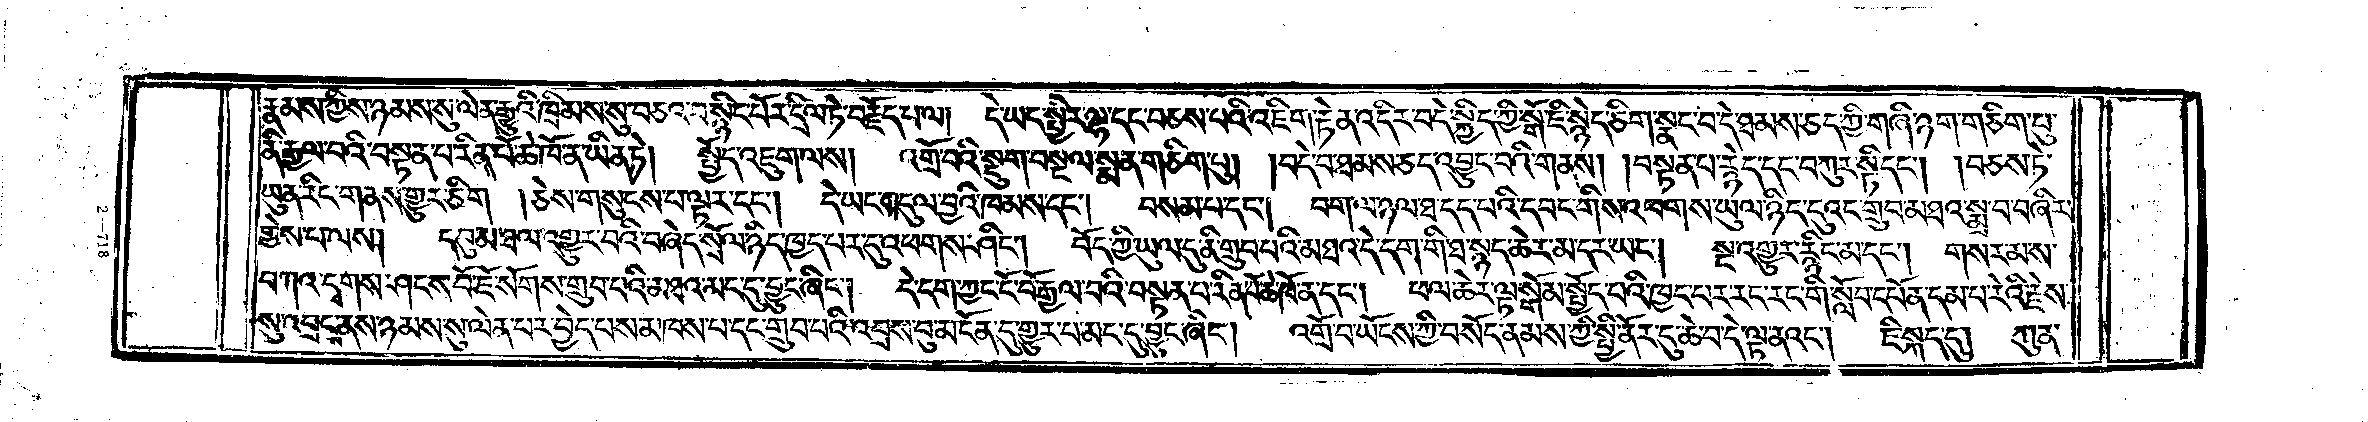རྣམས་ཀྱིས་ཉམས་སུ་ལེན་རྒྱུའི་ཁྲིམས་སུ་བཅའ་བ་སྙིང་པོར་དྲིལ་ཏེ་བརྗོད་པ་ལ། དེ་ཡང་སྤྱིར་ལྷ་དང་བཅས་པའི་འཇིག་རྟེན་འདིར་བདེ་སྐྱིད་ཀྱི་སྒོ་ཇི་སྙེད་ཅིག་སྣང་བ་དེ་ཐམས་ཅད་ཀྱི་གཞི་ཉག་གཅིག་པུ་
ནི་རྒྱལ་བའི་བསྟན་པ་རིན་པོ་ཆེ་ཁོ་ན་ཡིན་ཏེ། སྤྱོད་འཇུག་ལས། འགྲོ་བའི་སྡུག་བསྔལ་སྨན་གཅིག་པུ། །བདེ་བ་ཐམས་ཅད་འབྱུང་བའི་གནས། །བསྟན་པ་རྙེད་དང་བཀུར་སྟི་དང་། །བཅས་ཏེ་
ཡུན་རིང་གནས་གྱུར་ཅིག །ཅེས་གསུངས་པ་ལྟར་དང་། དེ་ཡང་གདུལ་བྱའི་ཁམས་དང་། བསམ་པ་དང་། བག་ལ་ཉལ་ཐ་དད་པའི་དབང་གིས་འཕགས་ཡུལ་ཉིད་དུའང་གྲུབ་མཐའ་སྨྲ་བ་བཞིར་
གྱེས་པ་ལས། དབུམ་ཐལ་འགྱུར་བའི་བཞེད་སྲོལ་ཉིད་ཁྱད་པར་དུ་འཕགས་ཤིང་། བོད་ཀྱི་ཡུལ་དུ་ནི་གྲུབ་པའི་མཐའ་དེ་དག་གི་ཐ་སྙད་ཆེར་མ་དར་ཡང་། སྔ་འགྱུར་རྙིང་མ་དང་། གསར་མས་
བཀའ་དྭགས་ཤངས་བོ་ཇོ་སོགས་གྲུབ་པའི་མཐའ་མང་དུ་བྱུང་ཞིང་། དེ་དག་ཀྱང་ངོ་བོ་རྒྱལ་བའི་བསྟན་པ་རིན་པོ་ཆེ་ཁོ་ན་དང་། ཕལ་ཆེར་ལྟ་སྒོམ་སྤྱོད་པའི་ཁྱད་པར་རང་རང་གི་སློབ་དཔོན་དམ་པ་རེའི་རྗེས་
སུ་འབྲངས་ནས་ཉམས་སུ་ལེན་པར་བྱེད་པས་མཁས་པ་དང་གྲུབ་པའི་འབྲས་བུ་མངོན་དུ་གྱུར་པ་མང་དུ་བྱུང་ཞིང་། འགྲོ་བ་ཡོངས་ཀྱི་བསོད་ནམས་ཀྱི་སྤྱི་ནོར་དུ་ཆེ་བ་དེ་ལྟ་ནའང་། ཇི་སྐད་དུ། ཀུན་